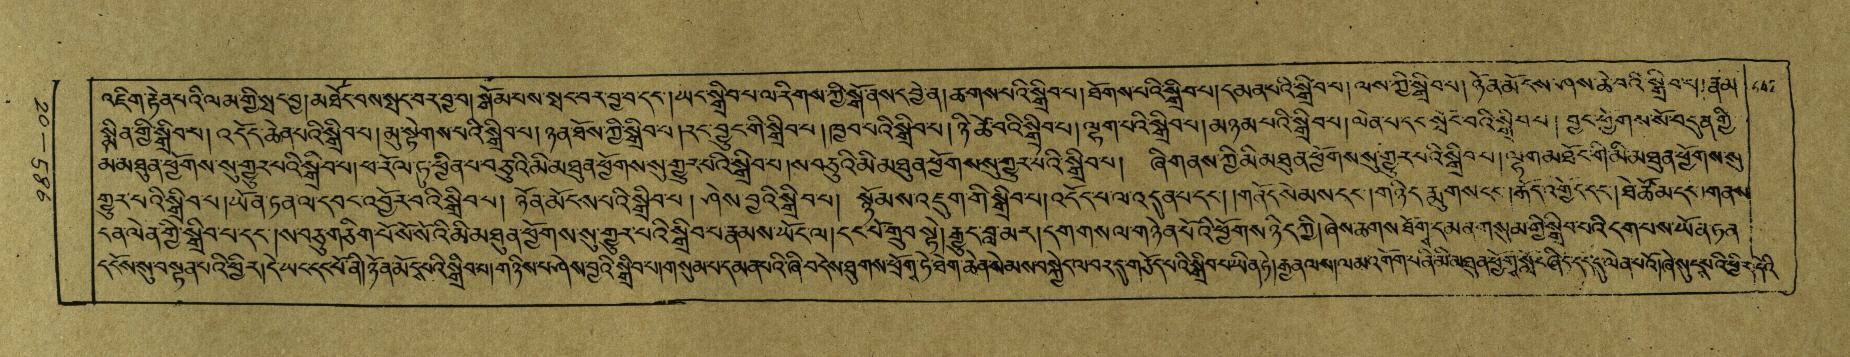འཇིག་རྟེན་པའི་ལམ་གྱི་སྤང་བྱ། མཐོང་བས་སྤང་བར་བྱ་བ། སྒོམ་པས་སྤང་བར་བྱ་བ་དང་། ཡང་སྒྲིབ་པ་ལ་རིགས་ཀྱི་སྒོ་ནས་དབྱེ་ན། ཆགས་པའི་སྒྲིབ་པ། ཐོགས་པའི་སྒྲིབ་པ། དམན་པའི་སྒྲིབ་པ། ལས་ཀྱི་སྒྲིབ་པ། ཉོན་མོངས་ཤས་ཆེ་བའི་སྒྲིབ་པ། རྣམ་
སྨིན་གྱི་སྒྲིབ་པ། འདོད་ཆེན་པའི་སྒྲིབ་པ། མུ་སྟེགས་པའི་སྒྲིབ་པ། ཉན་ཐོས་ཀྱི་སྒྲིབ་པ། རང་བྱུང་གི་སྒྲིབ་པ། ཁྱབ་པའི་སྒྲིབ་པ། ཉི་ཚེ་བའི་སྒྲིབ་པ། ལྷག་པའི་སྒྲིབ་པ། མཉམ་པའི་སྒྲིབ་པ། ལེན་པ་དང་སྤོང་བའི་སྒྲིབ་པ། བྱང་ཕྱོགས་སོ་བདུན་གྱི་
མ་མཐུན་ཕྱོགས་སུ་གྱུར་པའི་སྒྲིབ་པ། ཕ་རོལ་ཏུ་ཕྱིན་པ་བཅུའི་མི་མཐུན་ཕྱོགས་སུ་གྱུར་པའི་སྒྲིབ་པ། ས་བཅུའི་མི་མཐུན་ཕྱོགས་སུ་གྱུར་པའི་སྒྲིབ་པ། ཞི་གནས་ཀྱི་མི་མཐུན་ཕྱོགས་སུ་གྱུར་པའི་སྒྲིབ་པ། ལྷག་མཐོང་གི་མི་མཐུན་ཕྱོགས་སུ་
གྱུར་པའི་སྒྲིབ་པ། ཡོན་ཏན་ལ་དབང་འབྱོར་བའི་སྒྲིབ་པ། ཉོན་མོངས་པའི་སྒྲིབ་པ། ཤེས་བྱའི་སྒྲིབ་པ། སྙོམས་འཇུག་གི་སྒྲིབ་པ། འདོད་པ་ལ་འདུན་པ་དང་། །གནོད་སེམས་དང་། གཉིད་རྨུགས་དང་། རྒོད་འགྱོད་དང་། ཐེ་ཚོམ་དང་། གནས་
ངན་ལེན་གྱི་སྒྲིབ་པ་དང་། ས་བཅུ་གཅིག་པོ་སོ་སོའི་མི་མཐུན་ཕྱོགས་སུ་གྱུར་པའི་སྒྲིབ་པ་རྣམས་ཡོང་ལ། དང་པོ་གྲུབ་སྟེ། རྒྱུད་བླ་མར། དག་གསལ་གཉེན་པོའི་ཕྱོགས་ཉིད་ཀྱི། ཞེས་ཆགས་ཐོགས་དམན་གསུམ་གྱི་སྒྲིབ་པའི་དག་པས་ཡོན་ཏན་
དངོས་སུ་བསྟན་པའི་ཕྱིར། དེ་ཡང་དང་པོ་ནི། ཉོན་མོངས་པའི་སྒྲིབ་པ། གཉིས་པ་ཤེས་བྱའི་སྒྲིབ་པ། གསུམ་པ་དམན་པའི་ཞི་བདེས་ཐུགས་ཕྲོག་ཏེ་ཐེག་ཆེན་སེམས་བསྐྱེད་ལ་བར་དུ་གཅོད་པའི་སྒྲིབ་པ་ཡིན་ཏེ། རྒྱན་ལས། ལམ་འགོག་པ་ནི་མི་མཐུན་ཕྱོགས་སློང་ཞིང་དད་དུ་ལེན་པའོ། །ཞེ་སུངས་པའི་ཕྱིར། དེའི་